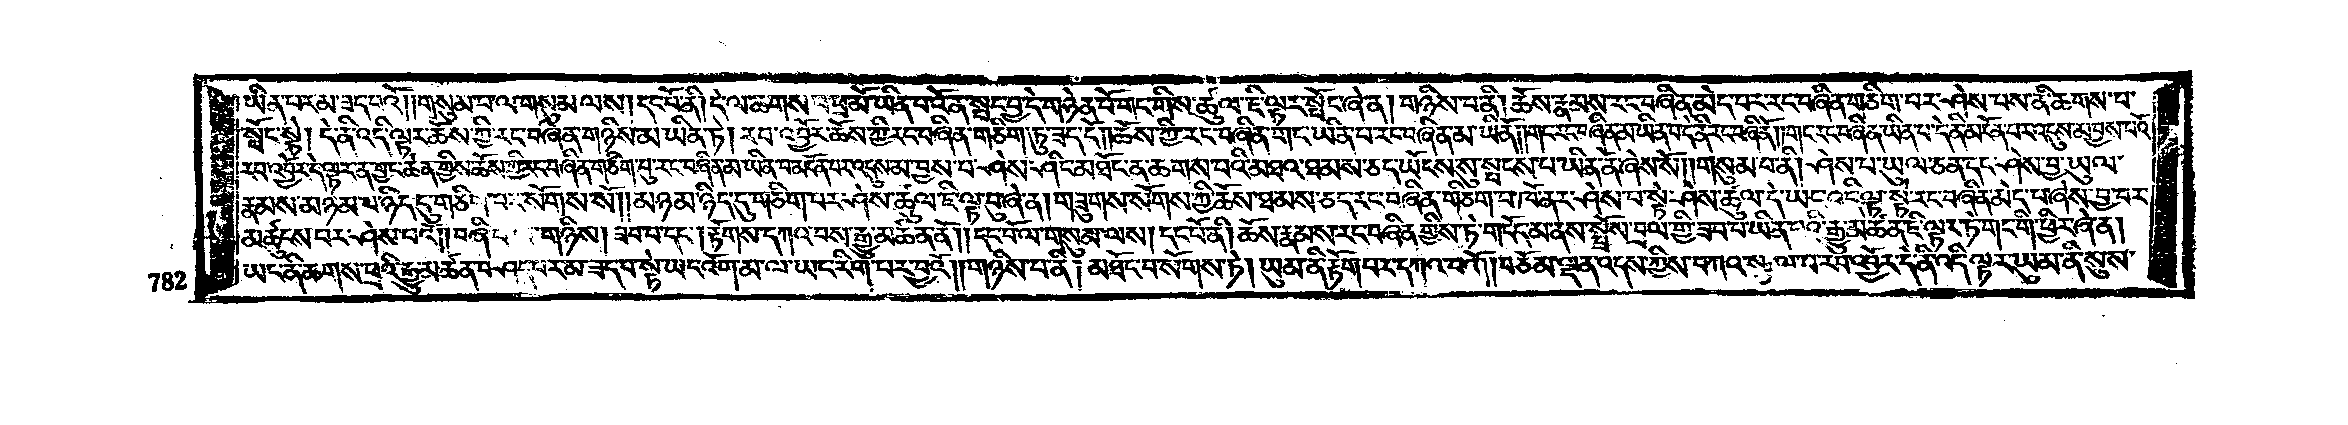ཡིན་པར་མ་ཟད་པའོ། །གསུམ་པ་ལ་གསུམ་ལས། དང་པོ་ནི། དེ་ལ་ཆགས་པ་ཕྲ་མོ་ཡིན་པ་འོ་ན་སྤང་བྱ་དེ་གཉེན་པོ་གང་གིས་ཚུལ་ཇི་ལྟར་སྤོང་ཞེ་ན། གཉིས་པ་ནི། ཆོས་རྣམས་རང་བཞིན་མེད་པར་རང་བཞིན་གཅིག་པར་ཤེས་པས་ནི་ཆགས་པ་
སྤོང་སྟེ། དེ་ནི་འདི་ལྟར་ཆོས་ཀྱི་རང་བཞིན་གཉིས་མ་ཡིན་ཏེ། རབ་འབྱོར་ཆོས་ཀྱི་རང་བཞིན་གཅིག་ཏུ་ཟད་དོ། །ཆོས་ཀྱི་རང་བཞིན་གང་ཡིན་པ་རང་བཞིན་མ་ཡིན་ནོ། །གང་རང་བཞིན་མ་ཡིན་པ་དེ་ནི་རང་བཞིན་ནོ། །གང་རང་བཞིན་ཡིན་པ་དེ་ནི་མངོན་པར་འདུས་མ་བྱས་པའོ་
རབ་འབྱོར་དེ་ལྟར་ན་བྱང་ཆེན་གྱིས་ཆོས་ཀྱི་རང་བཞིན་གཅིག་པུ་རང་བཞིན་མ་ཡིན་པ་མངོན་པར་འདུས་མ་བྱས་པ་ཤེས་ཤིང་མཐོང་ན་ཆགས་པའི་མཐའ་ཐམས་ཅད་ཡོངས་སུ་སྤངས་པ་ཡིན་ནོ་ཞེས་སོ། །གསུམ་པ་ནི། ཤེས་པ་ཡུལ་ཅན་དང་ཤེས་བྱ་ཡུལ་
རྣམས་མཉམ་པ་ཉིད་དུ་གཅིག་པར་སོགས་སོ། །མཉམ་ཉིད་དུ་གཅིག་པར་ཤེས་ཚུལ་ཇི་ལྟ་བུ་ཞེ་ན། གཟུགས་སོགས་ཀྱི་ཆོས་ཐམས་ཅད་རང་བཞིན་གཅིག་པ་ཁོ་ནར་ཤེས་པ་སྟེ་ཤེས་ཚུལ་དེ་ཡང་འདི་ལྟ་སྟེ་རང་བཞིན་མེད་པ་ཞེས་བྱ་བར་
མཚུངས་པར་ཤེས་པའོ། །བཞི་པ་ལ་གཉིས། ཟབ་པ་དང་། རྟོགས་དཀའ་བས་རྒྱུ་མཚན་ནོ། །དང་པོ་ལ་གསུམ་ལས། དང་པོ་ནི། ཆོས་རྣམས་རང་བཞིན་གྱིས་ཏེ་གདོད་མ་ནས་སྤྲོས་བྲལ་གྱི་ཟབ་པ་ཡིན་པའི་རྒྱུ་མཚན་ཇི་ལྟར་ཏེ་གང་གི་ཕྱིར་ཞེ་ན།
ཡང་ནི་ཆགས་ཕྲའི་རྒྱུ་མཚན་བཤད་པར་མ་ཟད་པ་སྟེ་ཡང་འོག་མ་ལ་ཡང་རིག་པར་བྱའོ། །གཉིས་པ་ནི། མཐོང་བ་སོགས་ཏེ། ཡུམ་ནི་རྟོག་པར་དཀའ་བའོ། །བཅོམ་ལྡན་འདས་ཀྱིས་བཀའ་སྩལ་པ་རབ་འབྱོར་དེ་ནི་འདི་ལྟར་ཡུམ་ནི་སུས་